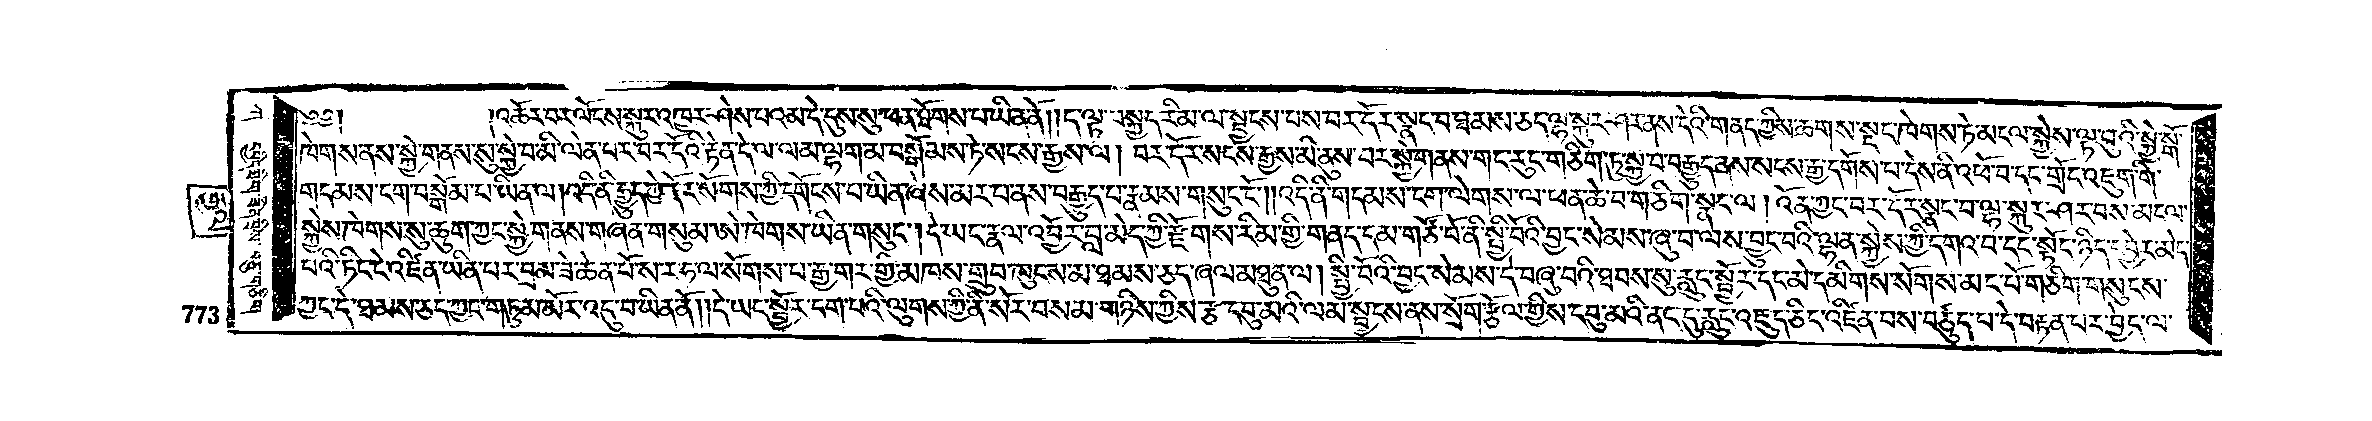༄༅། །འཆོར་བར་ལོངས་སྐུར་འཁྱར་ཤེས་པའམ་དེ་དུས་སུ་ཕན་ཐོགས་པ་ཡིན་ནོ། །ད་ལྟ་བསྐྱད་རིམ་ལ་སྦྱངས་པས་བར་དོར་སྣང་བ་ཐམས་ཅད་ལྷ་སྐུར་ཤར་ནས་དེའི་གནད་ཀྱིས་ཆགས་སྡང་ཁེགས་ཏེ་མངལ་སྐྱེས་ལྟ་བུའི་སྐྱེ་སྒོ་
ཁེགས་ནས་སྐྱེ་གནས་སུ་སྐྱེ་བ་མི་ལེན་པར་བར་དོའི་རྟེན་དེ་ལ་ལམ་ལྷག་མ་བསྒོམས་ཏེ་སངས་རྒྱས་ལ། བར་དོར་སངས་རྒྱས་མི་ནུས་པར་སྐྱེ་གནས་གང་རུང་གཅིག་ཏུ་སྐྱ་བ་བརྒྱུད་ནས་སངས་རྒྱ་དགོས་པ་དེས་ནི་འཕོ་བ་དང་གྲོང་འཇུག་གི་
གདམས་ངག་བསྒོམ་པ་ཡིན་ལ། འདི་ནི་རྒྱུད་ཀྱི་ནོར་སོགས་ཀྱི་དགོངས་པ་ཡིན་ཞེས་མར་བ་ནས་བརྒྱུད་པ་རྣམས་གསུང་ངོ། །འདི་ནི་གདམས་ངག་ལེགས་ལ་ཕན་ཆེ་བ་གཅིག་སྣང་ལ། འོན་ཀྱང་བར་དོར་སྣང་བ་ལྷ་སྐུར་ཤར་བས་མངལ་
སྐྱེས་ཁེགས་སུ་ཆུག་ཀྱང་སྐྱེ་གནས་གཞན་གསུམ་ཨེ་ཁེགས་ཡིན་གསུང་། དེ་ཡང་རྣལ་འབྱོར་བླ་མེད་ཀྱི་རྫོགས་རིམ་གྱི་གནད་དམ་གཙོ་བོ་ནི་སྤྱི་བོའི་བྱང་སེམས་ཞུ་བ་ལས་བྱུང་བའི་ལྷན་སྐྱེས་ཀྱི་དགའ་བ་དང་སྟོང་ཉིད་དབྱེར་མེད་
པའི་ཏིང་ངེ་འཛིན་ཡིན་པར་བྲམ་ཟེ་ཆེན་པོ་ས་ར་ཧ་ལ་སོགས་པ་རྒྱ་གར་གྱི་མཁས་གྲུབ་ཁུངས་མ་ཐམས་ཅད་ཞལ་མཐུན་ལ། སྤྱི་བོའི་བྱང་སེམས་དེ་བཞུ་བའི་ཐབས་སུ་རླུང་སྦྱོར་དང་མེ་དམིགས་སོགས་མང་པོ་གཅིག་གསུངས་
ཀྱང་དེ་ཐམས་ཅད་ཀྱང་གཏུམ་མོར་འདུ་བ་ཡིན་ནོ། །དེ་ཡང་སྦྱོར་དག་པའི་ལུགས་ཀྱི་ནི་སོར་བསམ་གཉིས་ཀྱིས་རྩ་དབུ་མའི་ལམ་སྦྱངས་ནས་སྲོག་རྩོལ་གྱིས་དབུ་མའི་ནང་དུ་རླུང་འཇུད་ཅིང་འཛིན་པས་བཙུད་པ་དེ་བརྟན་པར་བྱེད་ལ་